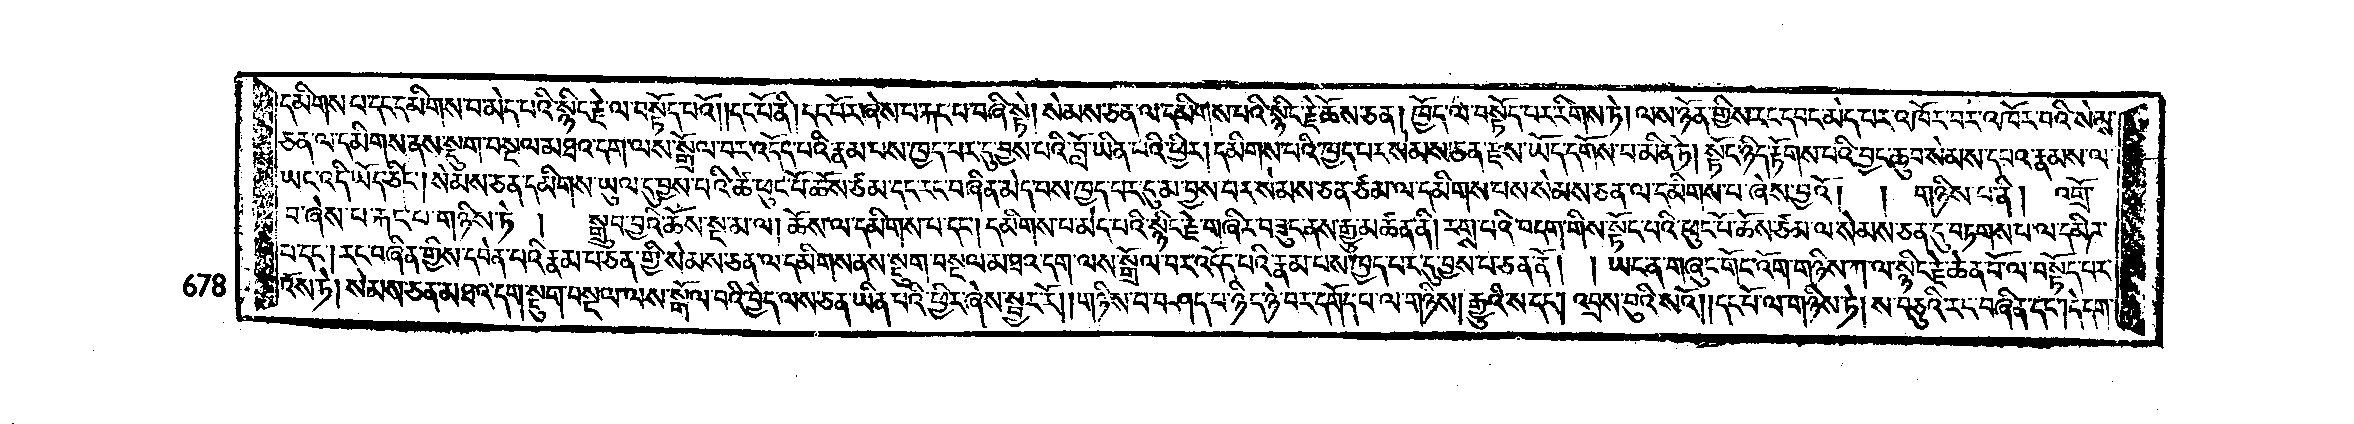དམིགས་པ་དང་དམིགས་པ་མེད་པའི་སྙིང་རྗེ་ལ་བསྟོད་པའོ། །དང་པོ་ནི། དང་པོར་ཞེས་པ་རྐང་པ་བཞི་སྟེ། སེམས་ཅན་ལ་དམིགས་པའི་སྙིང་རྗེ་ཆོས་ཅན། ཁྱོད་ལ་བསྟོད་པར་རིགས་ཏེ། ལས་ཉོན་གྱིས་རང་དབང་མེད་པར་འཁོར་བར་འཁོར་བའི་སེམས་
ཅན་ལ་དམིགས་ནས་སྡུག་བསྔལ་མཐའ་དག་ལས་སྒྲོལ་བར་འདོད་པའི་རྣམ་པས་ཁྱད་པར་དུ་བྱས་པའི་བློ་ཡིན་པའི་ཕྱིར། དམིགས་པའི་ཁྱད་པར་སེམས་ཅན་རྫས་ཡོད་དགོས་པ་མིན་ཏེ། སྟོང་ཉིད་རྟོགས་པའི་བྱང་ཆུབ་སེམས་དཔའ་རྣམས་ལ་
ཡང་འདི་ཡོད་ཅིང་། སེམས་ཅན་དམིགས་ཡུལ་དུ་བྱས་པའི་ཚེ་ཕུང་པོ་ཆོས་ཙམ་དང་རང་བཞིན་མེད་པས་ཁྱད་པར་དུ་མ་བྱས་པར་སེམས་ཅན་ཙམ་ལ་དམིགས་པས་སེམས་ཅན་ལ་དམིགས་པ་ཞེས་བྱའོ། །གཉིས་པ་ནི། འགྲོ་
བ་ཞེས་པ་རྐང་པ་གཉིས་ཏེ། སྒྲུབ་བྱའི་ཆོས་སྔ་མ་ལ། ཆོས་ལ་དམིགས་པ་དང་། དམིགས་པ་མེད་པའི་སྙིང་རྗེ་གཞིར་བཟུང་ནས་རྒྱུ་མཚན་ནི། རགས་པའི་བདག་གིས་སྟོང་པའི་ཕུང་པོ་ཆོས་ཙམ་ལ་སེམས་ཅན་དུ་བཏགས་པ་ལ་དམིགས་
པ་དང་། རང་བཞིན་གྱིས་དབེན་པའི་རྣམ་པ་ཅན་གྱི་སེམས་ཅན་ལ་དམིགས་ནས་སྡུག་བསྔལ་མཐའ་དག་ལས་སྒྲོལ་བར་འདོད་པའི་རྣམ་པས་ཁྱད་པར་དུ་བྱས་པ་ཅན་ནོ། །ཡང་ན་གཞུང་གོང་འོག་གཉིས་ཀ་ལ་སྙིང་རྗེ་ཆེན་པོ་ལ་བསྟོད་པར་
འོས་ཏེ། སེམས་ཅན་མཐའ་དག་སྡུག་བསྔལ་ལས་སྒྲོལ་བའི་བྱེད་ལས་ཅན་ཡིན་པའི་ཕྱིར་ཞེས་སྦྱར་རོ། །གཉིས་པ་བཤད་པ་ཉིད་ཉེ་བར་དགོད་པ་ལ་གཉིས། རྒྱུའི་ས་དང་། འབྲས་བུའི་སའོ། །དང་པོ་ལ་གཉིས་ཏེ། ས་བཅུའི་རང་བཞིན་དང་། དེ་དག་